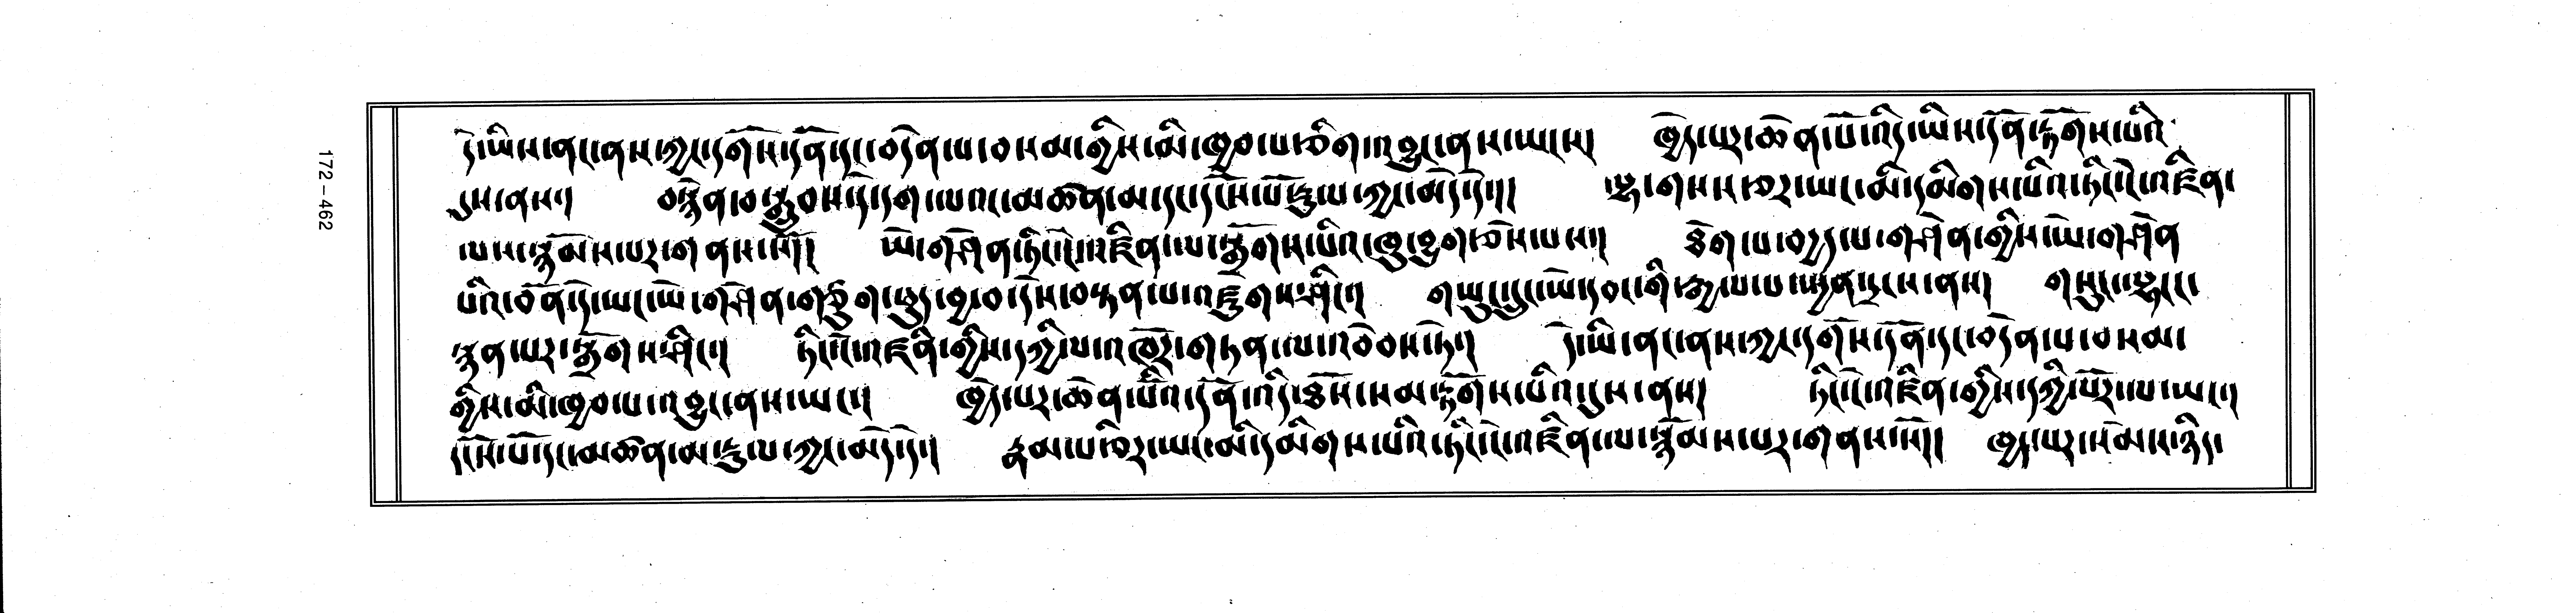བདེན་པ་བསམ་གྱིས་མི་ཁྱབ་པ་ཅིག་འབྱུང་ནས་ཡང་། ཁྱེད་པར་ཆེན་པོ་འདི་ཡིས་དོན་སྟོགས་པའི་
དུས་ནས། བསྙེན་བསྒྲུབས་དེ་དག་ལ་འང་མཚན་མ་དང་དངོས་པོ་རྡུལ་ཀྱང་མེད་དེ། ལྷ་གསས་ཅེར་ཡང་མི་དམིགས་པའི་ཏིང་ངེ་འཛིན་
ལས་སྙོམས་པར་གནས་སོ། ཡེ་གཤེན་ཏིང་ངེ་འཛིན་ལ་སྒྲོགས་པའི་ཁུ་བྱུག་ཅེས་པས། ཐེག་པ་བརྒྱད་པ་གཤེན་གྱིས་ཡེ་གཤེན་
པའི་བོན་དེ་ཡང་ཡེ་གཤེན་གཙུག་ཕུད་བྱ་བ་དེས་བསྟན་པ་འཛུགས་ཤིང་། གཡུང་དྲུང་ཡེ་དབང་གི་རྒྱལ་པོ་སྤྱན་དྲངས་ནས། གསུང་ལྷང་ལྷང་
སྙན་པར་སྒྲོགས་ཤིང་། ཏིང་ངེ་འཛིན་གྱིས་དཀྱིལ་འཁོར་གཏན་ལ་འབེབས་ཏེ། དེ་ཡི་ནང་ནས་ཀྱང་དགོས་དོན་དང་བདེན་པ་བསམ་
གྱིས་མི་ཁྱབ་པ་འབྱུང་ནས་ཡང་། ཁྱེད་པར་ཆེན་པོའི་དོན་འདི་ཐོས་སམ་རྟོགས་པའི་དུས་ནས། ཏིང་ངེ་འཛིན་གྱིས་དཀྱིལ་འཁོར་ལ་ཡང་། 
དངོས་པོ་དང་མཚན་མ་རྡུལ་ཀྱང་མེད་དེ། རྣམ་པ་ཅིར་ཡང་མི་དམིགས་པའི་ཏིང་ངེ་འཛིན་ལ་སྙོམས་པར་གནས་སོ། ཁྱད་པར་སེམས་ཉིད་